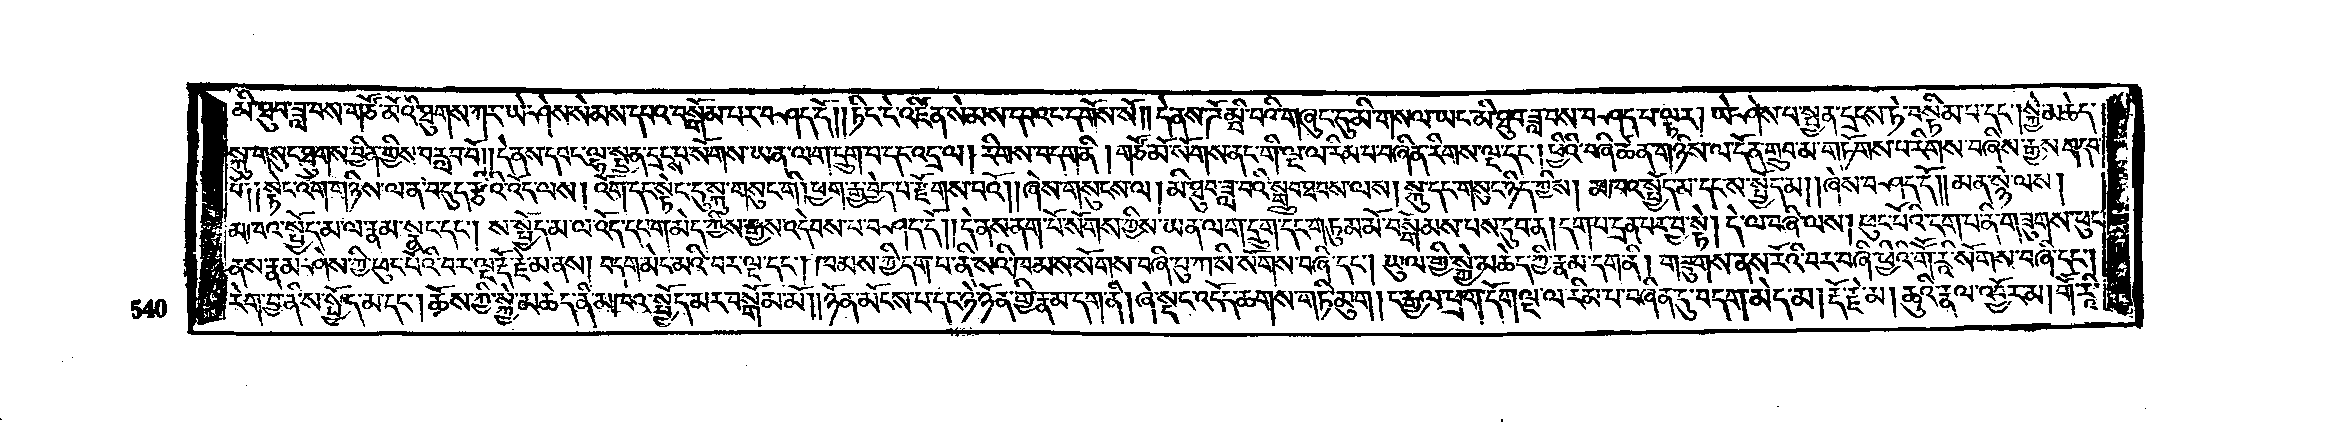མི་ཐུབ་ཟླ་བས་གཙོ་མོའི་ཐུགས་ཀར་ཡེ་ཤེས་སེམས་དཔའ་བསྒོམ་པར་བཤད་དོ། །ཏིང་ངེ་འཛིན་སེམས་དཔའ་འང་དགོས་སོ། །དེ་ནས་ཌོམྤི་པའི་གཞུང་དུ་མི་གསལ་ཡང་མི་ཐུབ་ཟླ་བས་བཤད་པ་ལྟར། ཡེ་ཤེས་པ་སྤྱན་དྲངས་ཏེ་བསྟིམ་པ་དང་། སྐྱེ་མཆེད་
སྐུ་གསུང་ཐུགས་བྱིན་གྱིས་བརླབ་བོ། །དེ་ནས་དབང་ལྷ་སྤྱན་དྲངས་པ་སོགས་ཡན་ལག་དྲུག་པ་དང་འདྲ་ལ། རིགས་བདག་ནི། གཙོ་མོ་སོགས་ནང་གི་ལྔ་ལ་རིམ་པ་བཞིན་རིགས་ལྔ་དང་། ཕྱིའི་བཞི་མཚན་གཉིས་ལ་དོན་གྲུབ་མ་གཏོགས་པ་རིགས་བཞིས་རྒྱས་གདབ་
པོ། །སྟེང་འོག་གཉིས་ལན་བདུད་རྩིའི་འོད་ལས། འོག་དང་སྟེང་དུ་སྐུ་གསུང་གི །ཕྱག་རྒྱ་བྱེད་པ་རྫོགས་པའོ། །ཞེས་གསུངས་ལ། མི་ཐུབ་ཟླ་བའི་སྒྲུབ་ཐབས་ལས། སྐུ་དང་གསུང་ཉིད་ཀྱིས། མཁའ་སྤྱོད་མ་དང་ས་སྤྱོད་མ། །ཞེས་བཤད་དོ། །མན་སྙེ་ལས།
མཁའ་སྤྱོད་མ་ལ་རྣམ་སྣང་དང་། ས་སྤྱོད་མ་ལ་འོད་དཔག་མེད་ཀྱིས་རྒྱས་འདེབས་པ་བཤད་དོ། །དེ་ནས་ནག་པོ་སོགས་ཀྱིས་ཡན་ལག་དྲུག་དང་གཏུམ་མོ་བསྒོམས་པས་དུབ་ན། དག་པ་དྲན་པར་བྱ་སྟེ། དེ་ལ་བཞི་ལས། ཕུང་པོའི་དག་པ་ནི་གཟུགས་ཕུང་
ནས་རྣམ་ཤེས་ཀྱི་ཕུང་པོའི་བར་ལྔ་རྡོ་རྗེ་མ་ནས། བདག་མེད་མའི་བར་ལྔ་དང་། ཁམས་ཀྱི་དག་པ་ནི་སའི་ཁམས་སོགས་བཞི་པུ་ཀ་སི་སོགས་བཞི་དང་། ཡུལ་གྱི་སྐྱེ་མཆེད་ཀྱི་རྣམ་དག་ནི། གཟུགས་ནས་རོའི་བར་བཞི་ཕྱིའི་གཽ་རཱི་སོགས་བཞི་དང་།
རེག་བྱ་ནི་ས་སྤྱོད་མ་དང་། ཆོས་ཀྱི་སྐྱེ་མཆེད་ནི་མཁའ་སྤྱོད་མར་བསྒོམ་མོ། །ཉོན་མོངས་པ་དང་ཉེ་ཉོན་གྱི་རྣམ་དག་ནི། ཞེ་སྡང་འདོད་ཆགས་གཏི་མུག། ང་རྒྱལ་ཕྲག་དོག་ལྔ་ལ་རིམ་པ་བཞིན་དུ་བདག་མེད་མ། རྡོ་རྗེ་མ། ཆུའི་རྣལ་འབྱོར་མ། གཽ་རཱི་